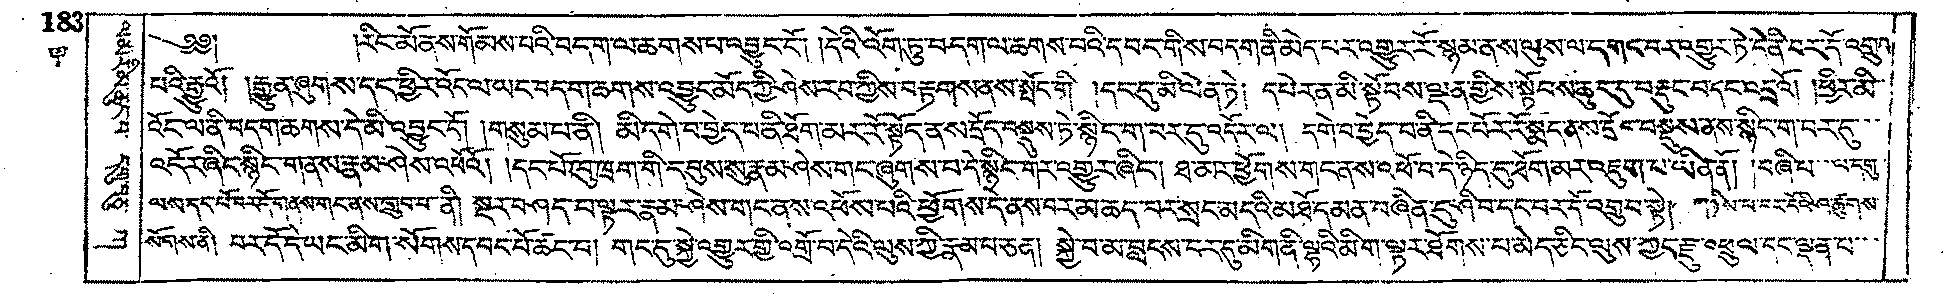༄༅། །རིང་མོ་ནས་གོམས་པའི་བདག་ལ་ཆགས་པ་འབྱུང་ངོ། །དེའི་འོག་ཏུ་བདག་ལ་ཆགས་པའི་དབང་གིས་བདག་ནི་མེད་པར་འགྱུར་རོ་སྙམ་ནས་ལུས་ལ་དགང་བར་འགྱུར་ཏེ་དེ་ནི་བར་དོ་འགྲུབ་
པའི་རྒྱུའོ། །རྒྱུན་ཞུགས་དང་ཕྱིར་འོང་ལ་ཡང་བདག་ཆགས་འབྱུང་མོད་ཀྱི་ཤེས་རབ་ཀྱིས་བརྟགས་ནས་སྤོང་གི །དང་དུ་མི་ལེན་ཏེ། དཔེར་ན་མི་སྟོབས་ལྡན་གྱིས་སྟོབས་ཆུང་དུ་བརྡུང་བ་དང་འདྲའོ། །ཕྱིར་མི་
འོང་ལ་ནི་བདག་ཆགས་དེ་མི་འབྱུང་ངོ། །གསུམ་པ་ནི། མི་དགེ་བ་བྱེད་པ་ནི་ཐོག་མར་རོ་སྟོད་ནས་དྲོད་བསྡུས་ཏེ་སྙིང་ག་བར་དུ་འདོར་ལ། དགེ་བ་བྱེད་པ་ནི་དང་པོར་རོ་སྨད་ནས་དྲོང་བསྡུས་ནས་སྙིང་ག་བར་དུ་
འདོར་ཞིང་སྙིང་གནས་རྣམ་ཤེས་འཕོའོ། །དང་པོ་ཁུ་ཁྲག་གི་དབུས་སུ་རྣམ་ཤེས་གང་ཞུགས་པ་དེ་སྙིང་གར་འགྱུར་ཞིང་། ཐ་མར་ཕྱོགས་གང་ནས་འཕོ་བ་དེ་ཉིད་དུ་ཐོག་མར་འཇུག་པ་ཡིན་ནོ། །བཞི་པལ་དགུ་
ལས་དང་པོ་བར་དོ་གནས་གང་ནས་གྲུབ་པནི། སྔར་བཤད་པ་ལྟར་རྣམ་ཤེས་གང་ནས་འཕོས་པའི་ཕྱོགས་དེ་ནས་བར་མ་ཆད་པར་སྲང་མདའི་མཐོ་དམན་བཞིན་དུ་ཤི་བ་དང་བར་དོ་འགྲུབ་སྟེ། གཉིས་པ་བར་དོའི་ཤ་ཚུགས་
སོགས་ནི། བར་དོ་དེ་ཡང་མིག་སོགས་དབང་པོ་ཚང་བ། གང་དུ་སྐྱེ་འགྱུར་གྱི་འགྲོ་བ་དེའི་ལུས་ཀྱི་རྣམ་པ་ཅན། སྐྱེ་བ་མ་བླངས་བར་དུ་མིག་ནི་ལྷའི་མིག་ལྟར་ཐོགས་པ་མེད་ཅིང་ལུས་ཀྱང་རྫུ་འཕྲུལ་དང་ལྡན་པ་